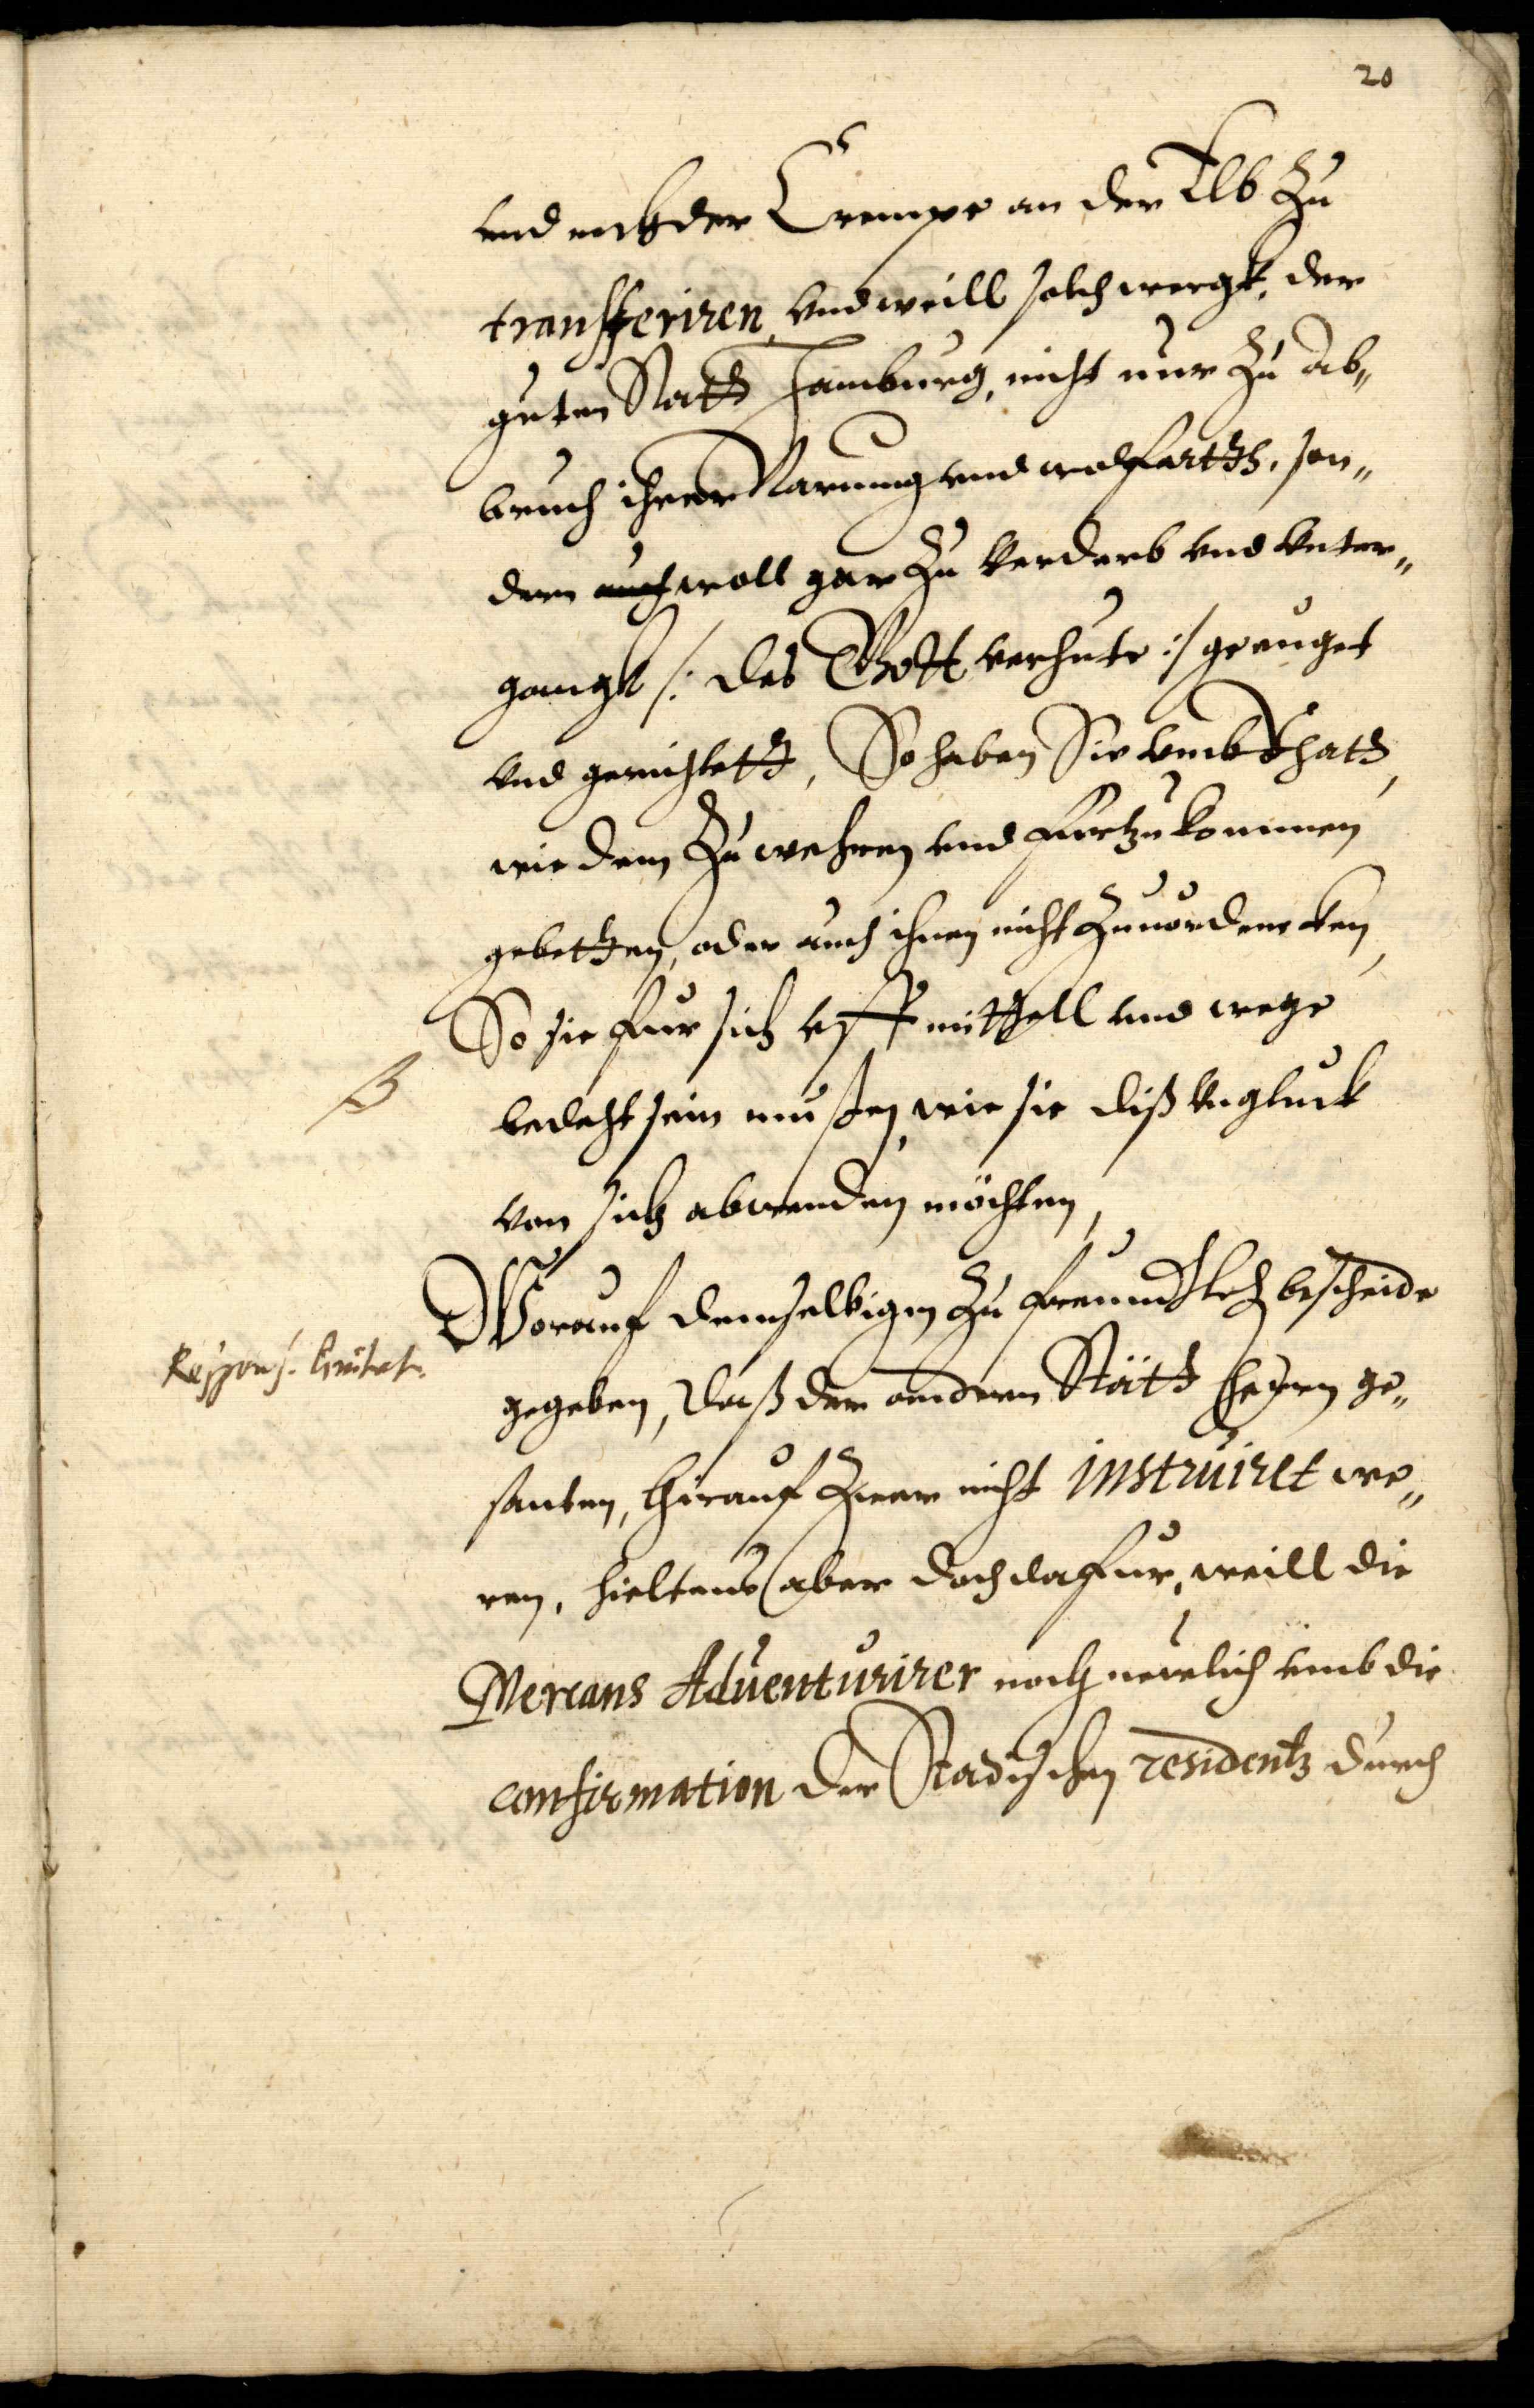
20
B
vnd nach der Crempe an der Elb zu
transferiren, vnd weill solch wergk, der
guten Statt Hamburg, nicht nur zu Ab¬
bruch ihrer Narung vnd wolfartth, son¬
dern auch woll gar zu verderb vnd vnter¬
gangk /: des Gott verhute :/ genuget
vnd gerichtett, So haben Sie vmb Rhatt,
wie dem Zu wehren vnd furtzukommen
gebetten, oder auch ihnen nicht zuuordencken,
So sie fur sich vff mittell vnd wege
bedeht sein mußen, wie sie diß vngluck
von sich abwenden möchten,
Respons. Ciuitat.
Worauf demselbigen zu freundtlichen bescheide
gegeben, daß dem andern Stätt herrn ge¬
santen, hirauf zwar nicht instruiret we¬
ren, hieltens aber doch dafur, weill die
Mercans Aduenturirer noch newlich vmb die
confirmation der Stadischen residentz durch
